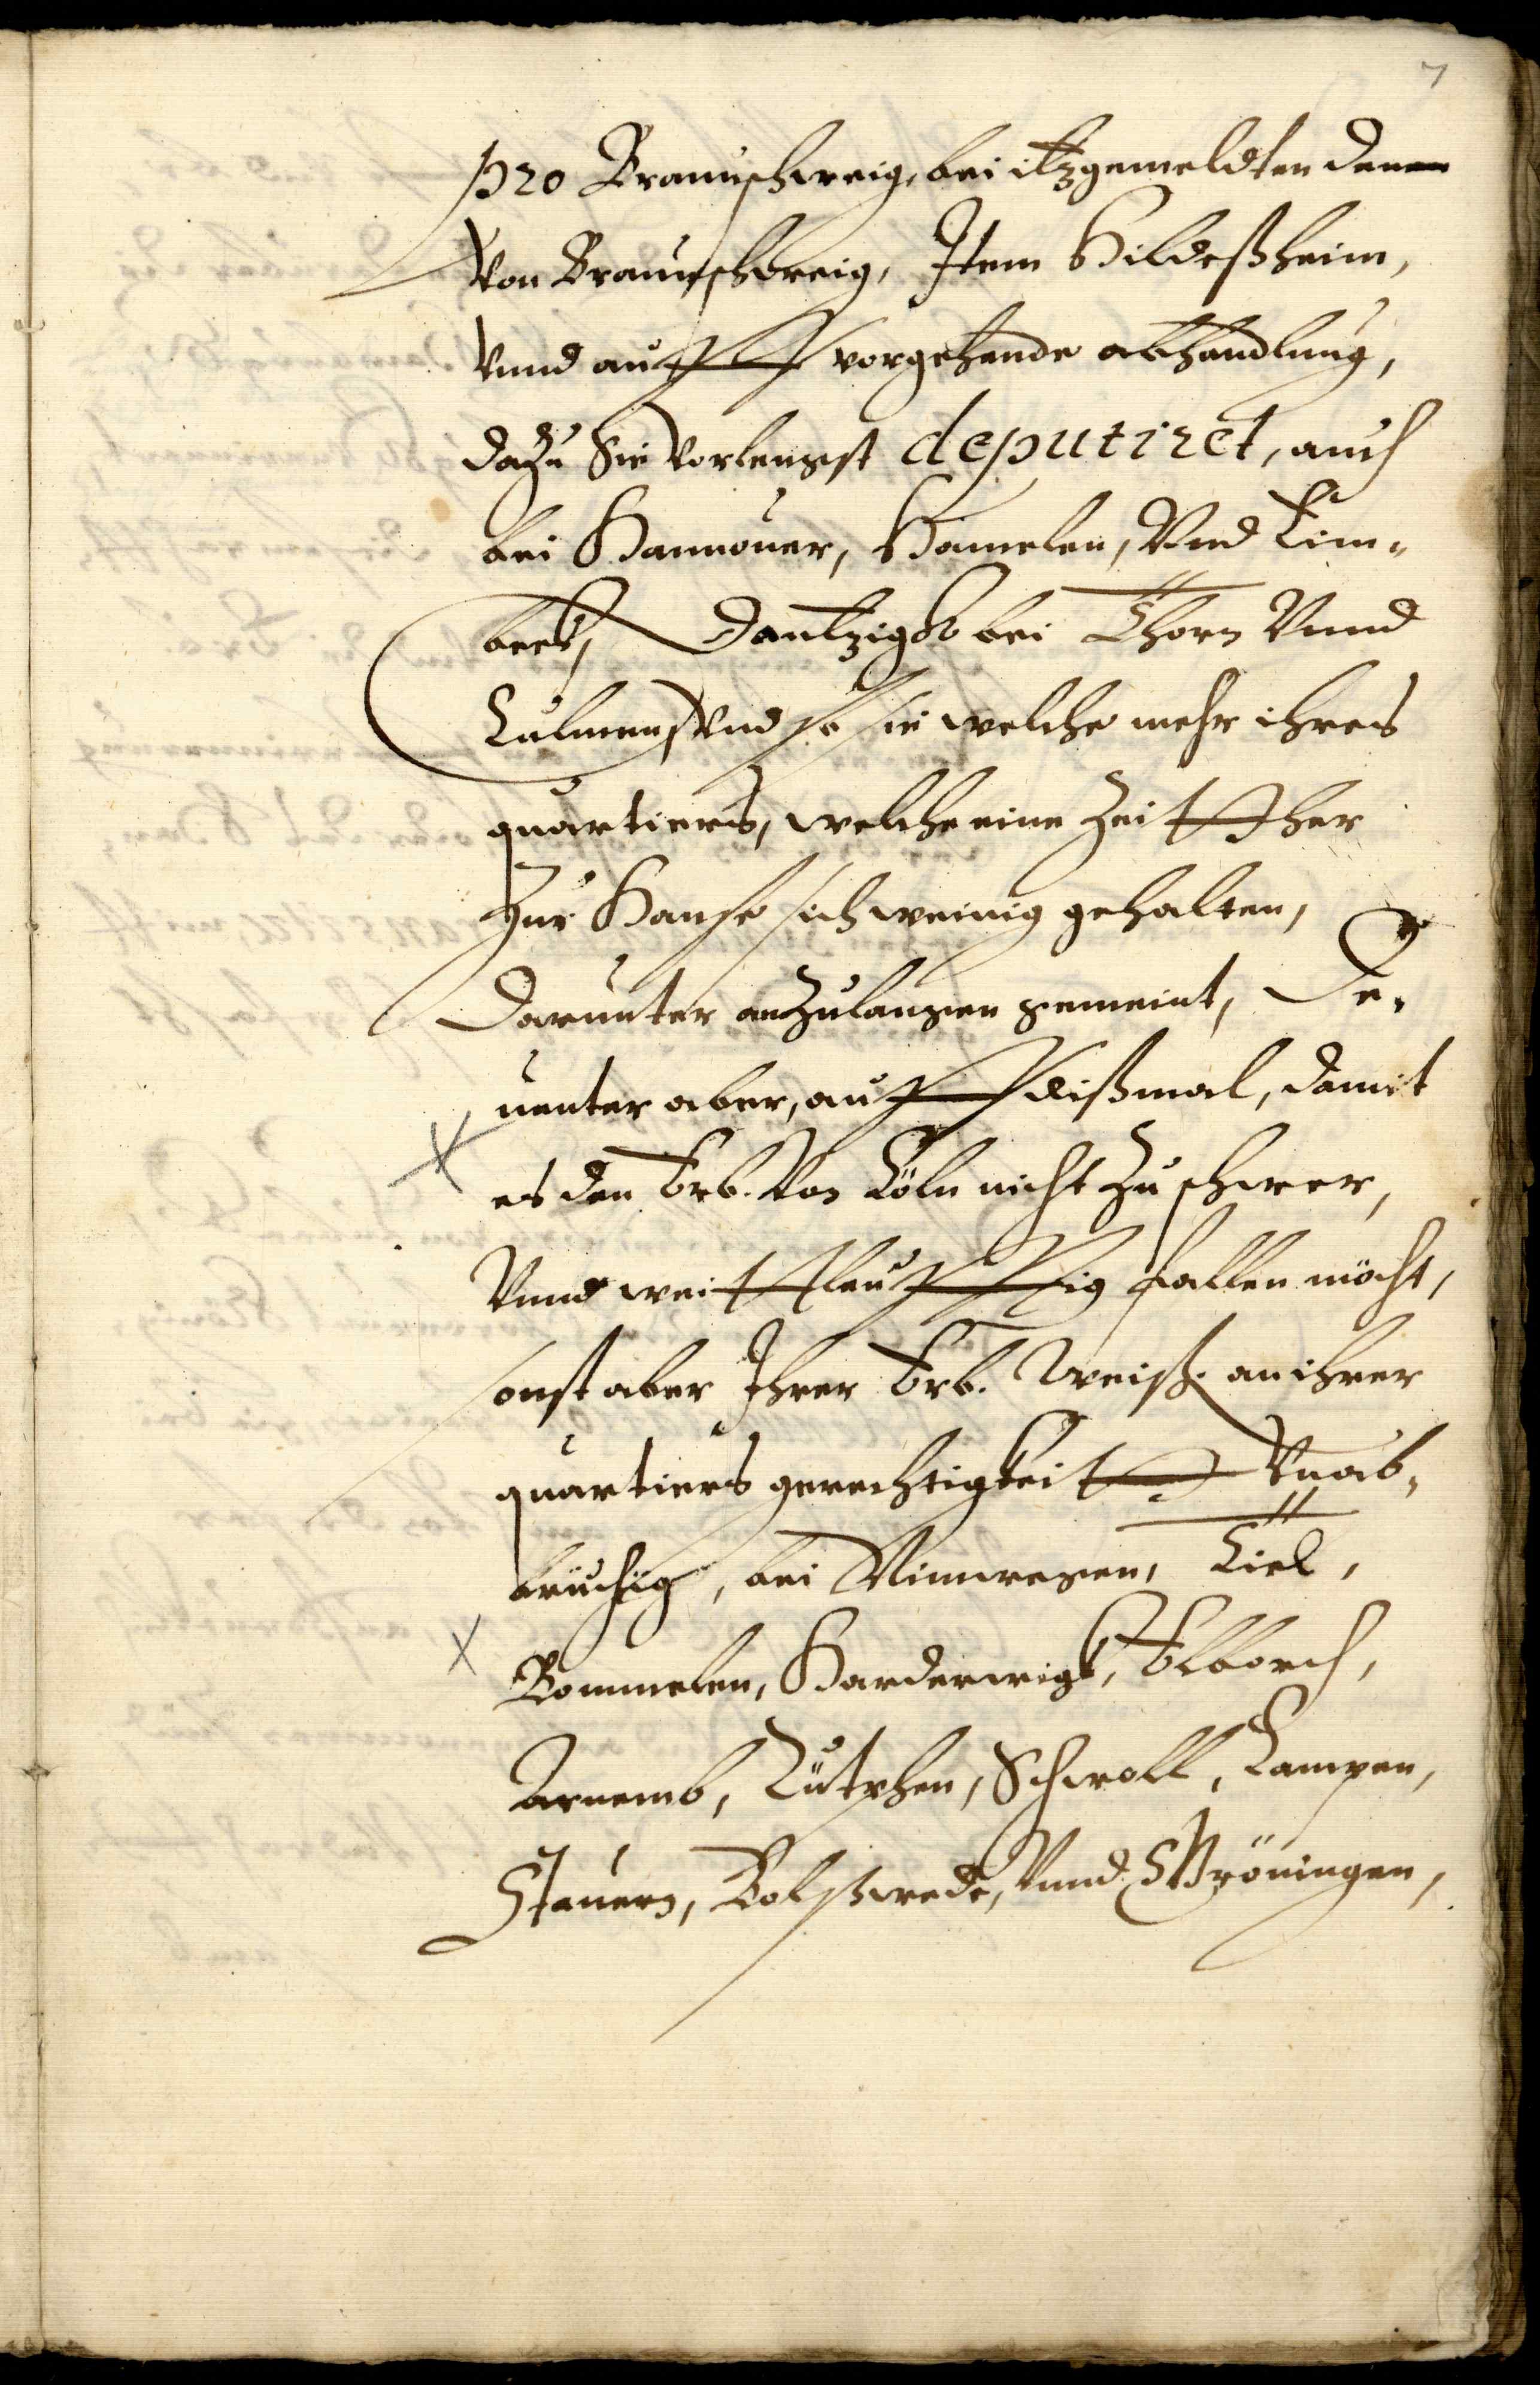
pro Braunschweig, bei itzgemeldten denen
Von Braunschweig, Item Hildeßheim,
Vnnd auff vorgehande abhandlung,
dazu Sie Vorlengst deputiret, auch
bei Hannouer, Hamelen, Vnd Eim¬
beck, Dantzigk bei Thorn Vnnd
Culmen, Vnd so sie welche mehr ihres
quartiers, welche eine zeitther
zur Hanse sich weinig gehalten,
Darunter anzulangen gemeint, De¬
uenter aber, auff dißmal, damit
es den Erb. Von Cöln nicht zu schwer
Vnnd weittleuffig fallen möcht,
sonst aber Ihrer Erb. Weiß. an ihrer
quartiers gerechtigkeitt Vnab¬
brüchig, bei Nimwegen, Tiel,
Bommelen, Harderwigk, Elborch,
Arnemb, Zütphen, Schwoll, Campen,
Stauern, Bolßwede, Vnnd Gröningen,
